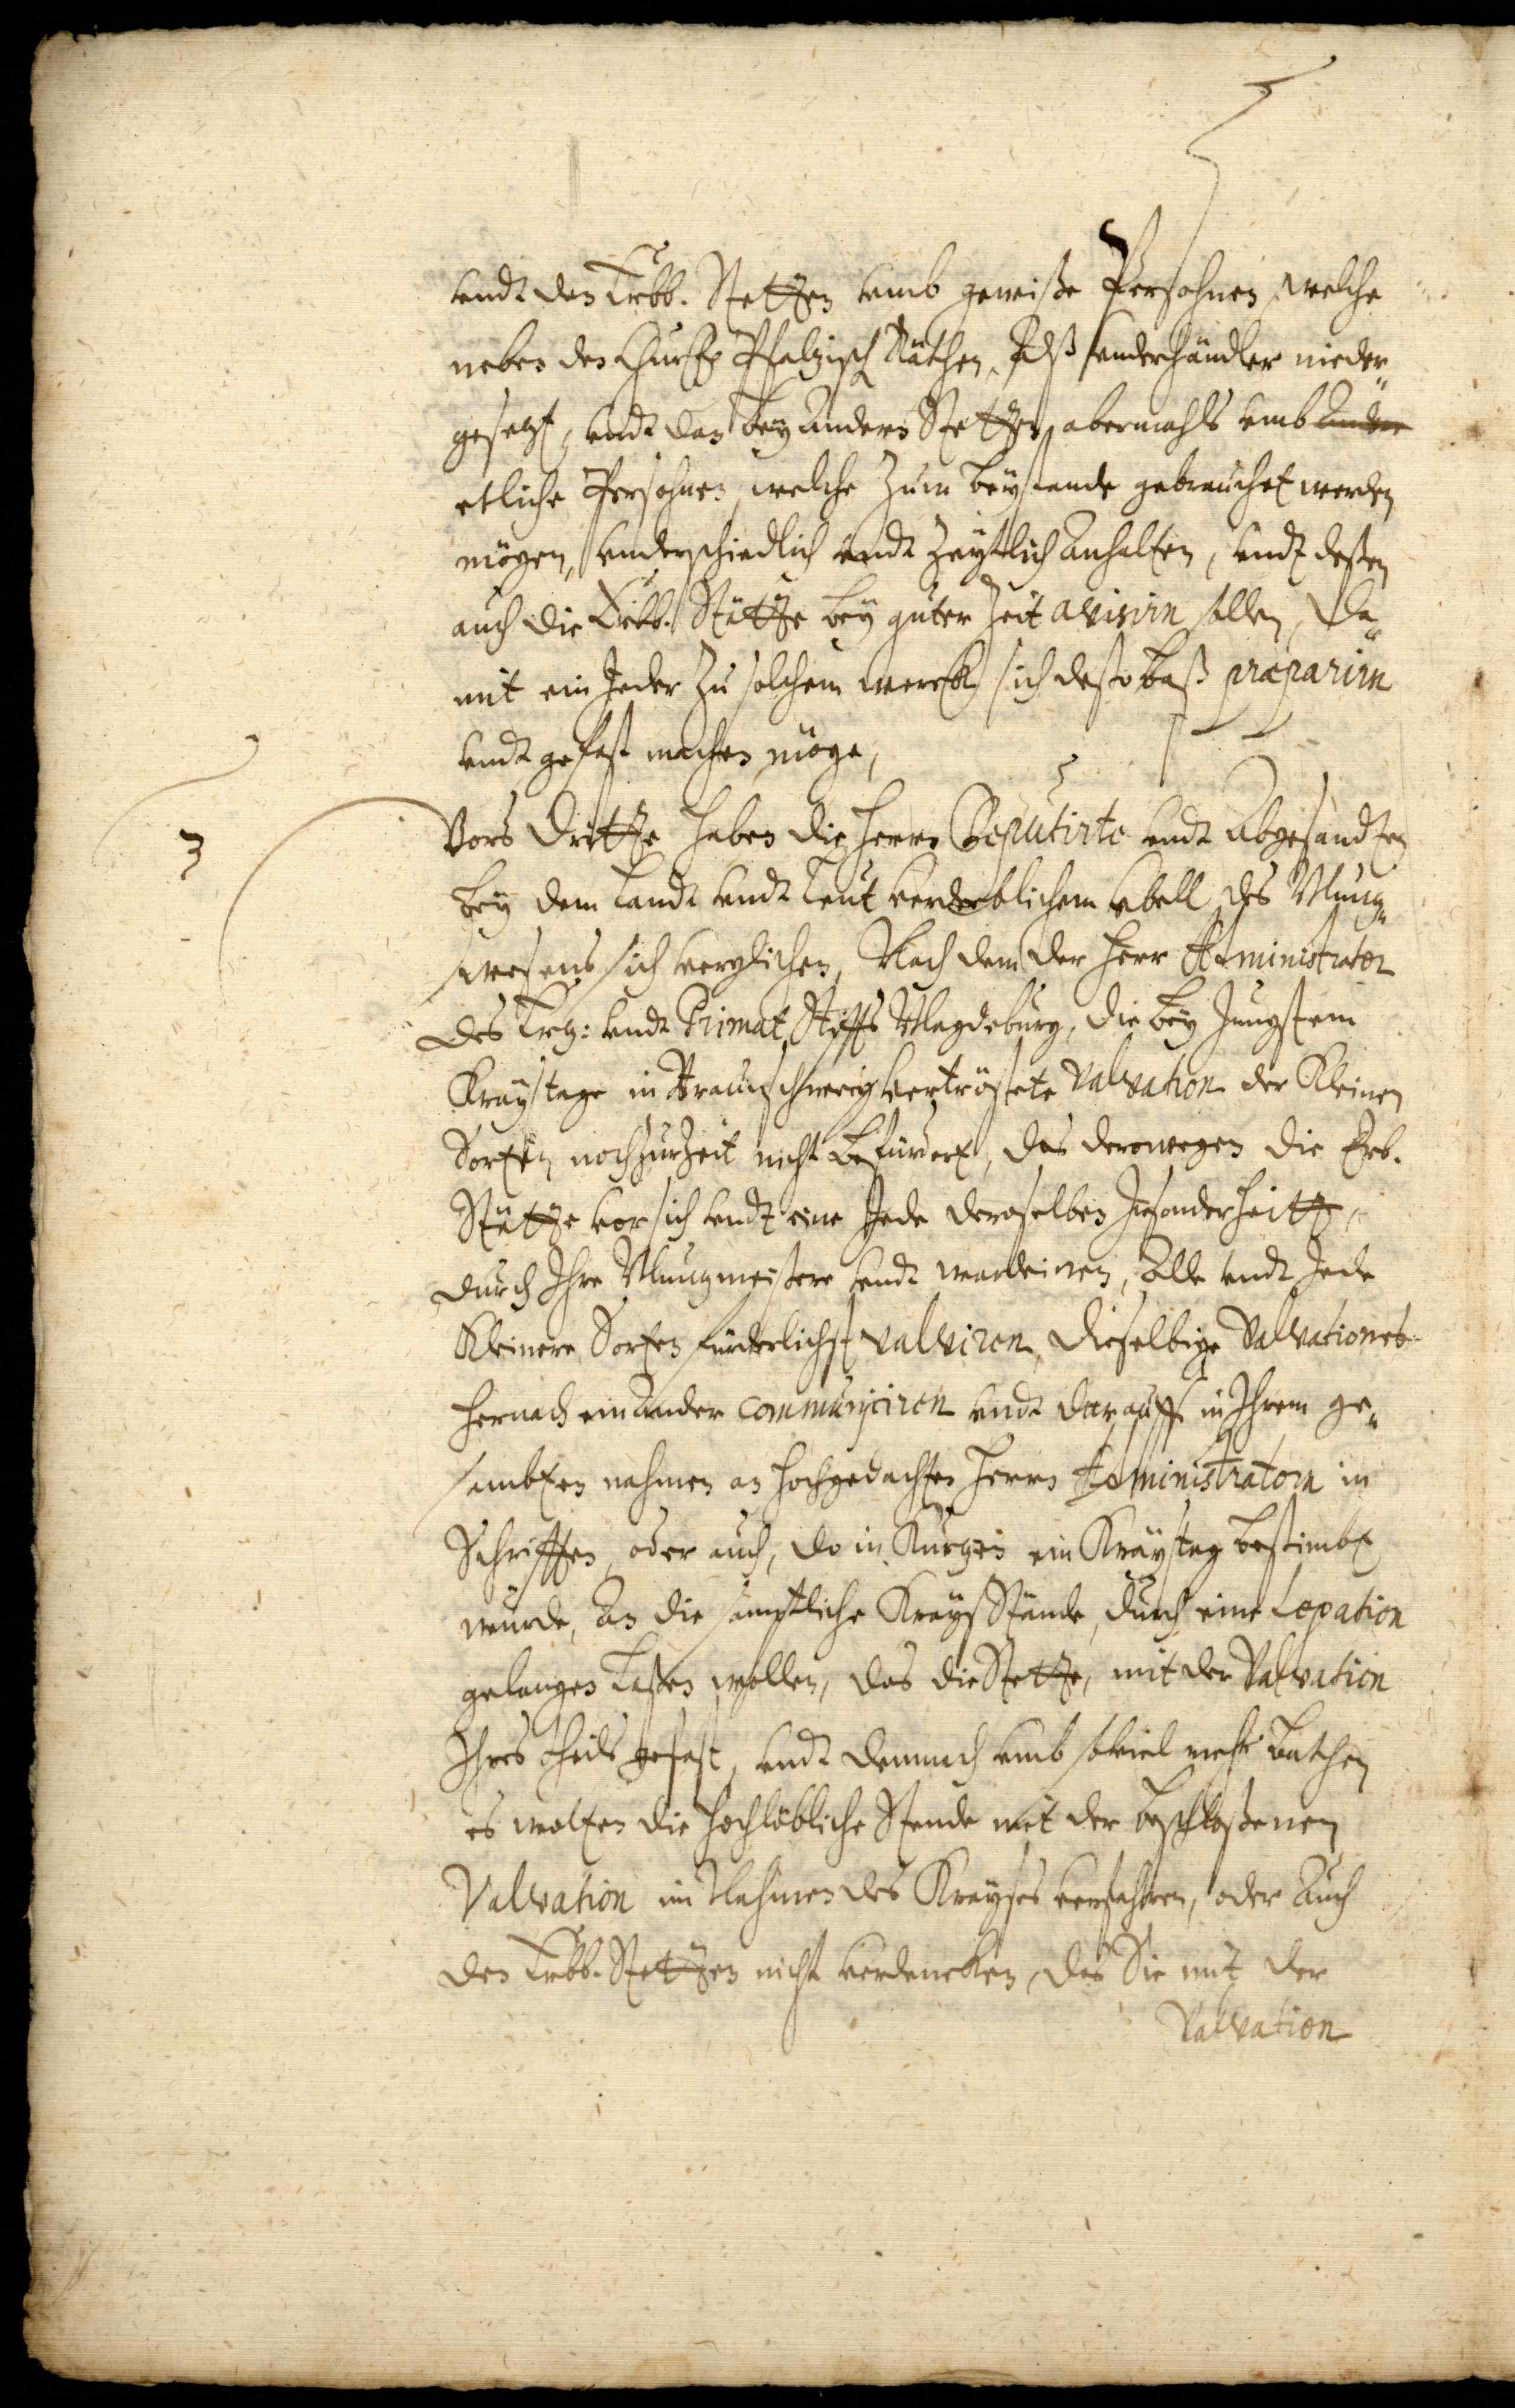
vndt den Erbb. Stetten vmb gewiße Persohnen, welche
neben den Churff Pfaltzischen Räthen, Alß underhändler nieder¬
gesetzt, vndt dan beij Andern Stetten, abermahls vmb Ander
etliche Persohnen, welche zum beijstande gebrauchet werden
mögen, vnderschiedlich vndt zeijtlich Anhalten, vndt deßen
auch die Erbb: Stätte beij guter Zeit avisirn sollen, da¬
mit ein Jeder zu solchem werck sich desto beß praeparirn
vndt gefast machen möge,
Vors Dritte haben die herrn Deputirte vndt Abgesandten
beij dem Landt vndt Leut verderblichem vbell des Muntz¬
wesens sich verglichen, Nach dem der herr Administrator
des Ertz: vndt Primat Stiffts Magdeburg, die beij Jungstem
Kraijstage in Braunschweig vertröstete Valvation der kleinen
Sorten noch zur zeit nicht befürdert, das derowegen die Erb.
Stätte vor sich vndt eine Jede deroselben Insonderheitt,
durch Ihre Muntzmeistere vndt wardeinen, Alle vndt Jede
kleinere Sorten fünderlichst Valviren, dieselbige Valvationes
hernach ein Ander communjciren vndt darauff in Ihrem ge¬
sambten nahmen an hochgedachten herrn Administratorn in
Schrifften, oder auch, do in Kurtzen ein Kraijstag bestimbt
wurde, An die samptliche Kraÿs Stände, durch eine Legation
gelangen Laßen wollen, das die Stette, mit der Valvation
Ihres theils gefast, vndt demnach vmb soviel mehr bathen
es wolten die hochlöbliche Stende mit der beschloßenen
Valvation im Nahmen des Kraijses verfahren, oder Auch
den Erbb. Stetten nicht verdencken, das Sie mit der
Valvation
3
